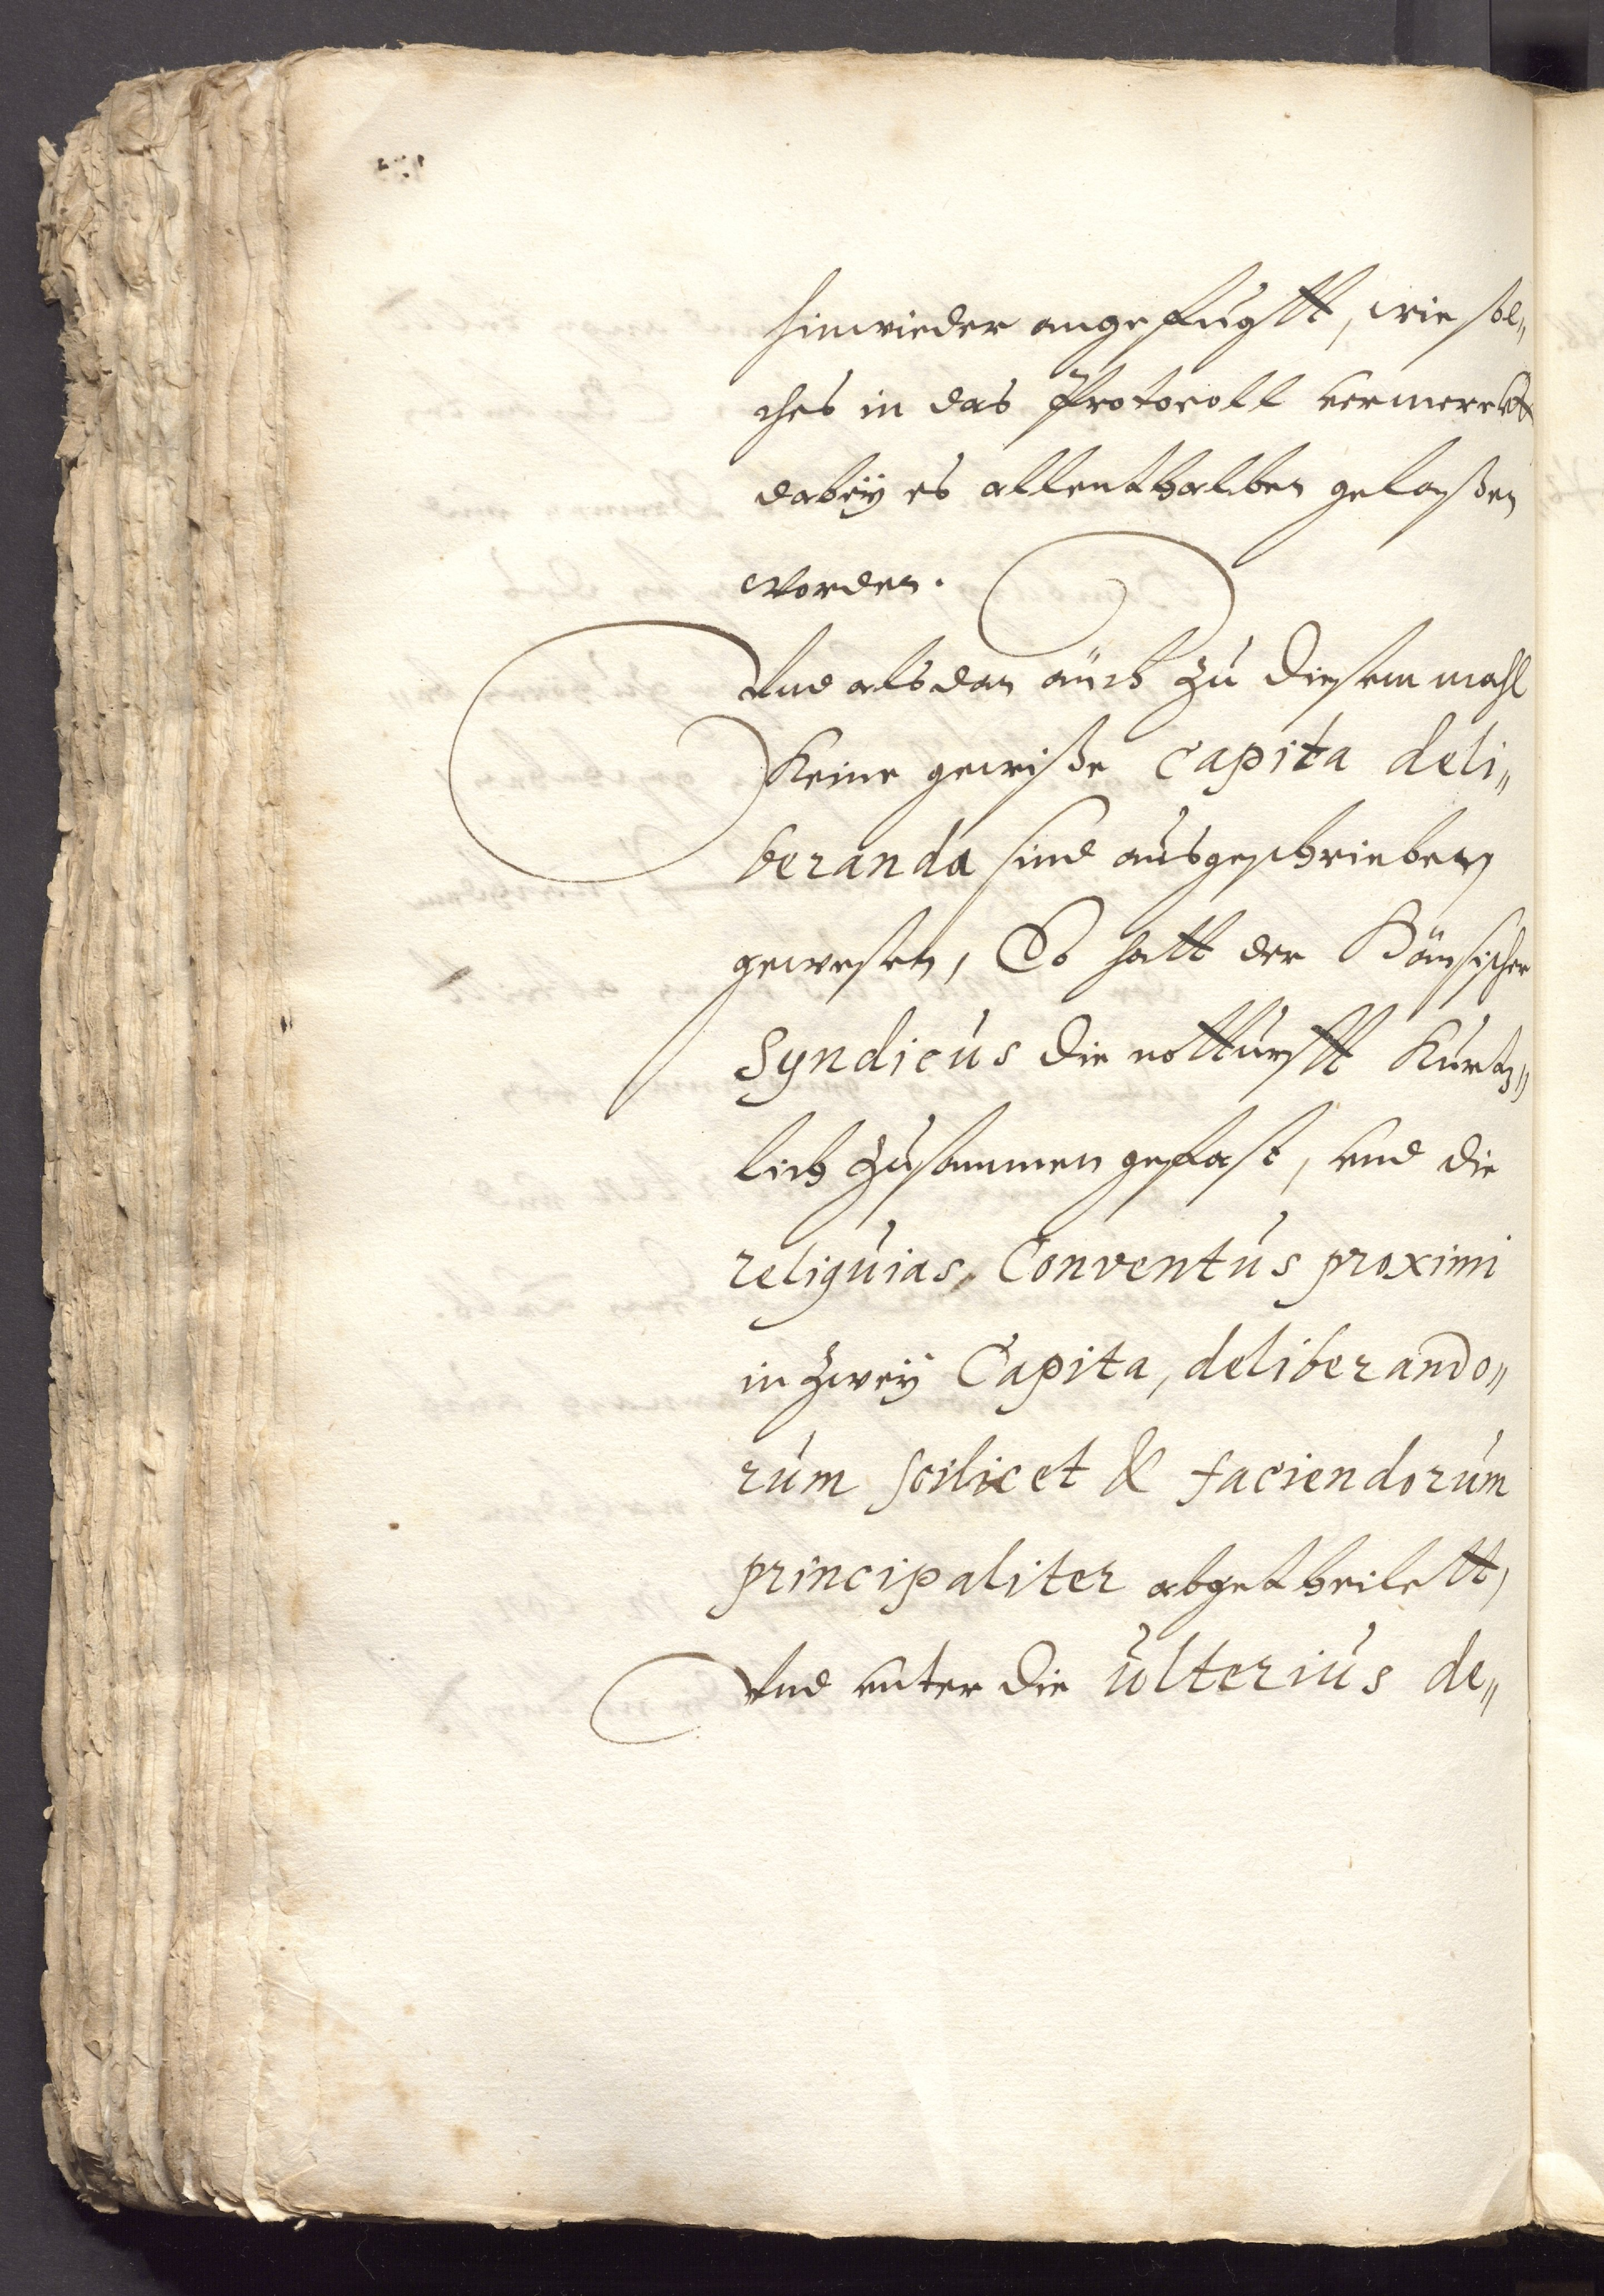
hinwieder angefugtt, wie sol¬
ches in das Protocoll vermercktt
dabeij es allenthalben gelaßen
worden.
Vnd als dan aüch zu diesem mahl
keine gewiße capita deli¬
beranda sind ausgeschrieben
gewesen, So hatt der Hänsischen
Syndicus die notturft kurtz¬
lich zusammen gefast, vnd die
religuias, Conventus proximi
in zweij Capita, deliberando¬
rum scilicet & faciendorum
principaliter abgetheilett,
vnd vnter die ulterius de¬
